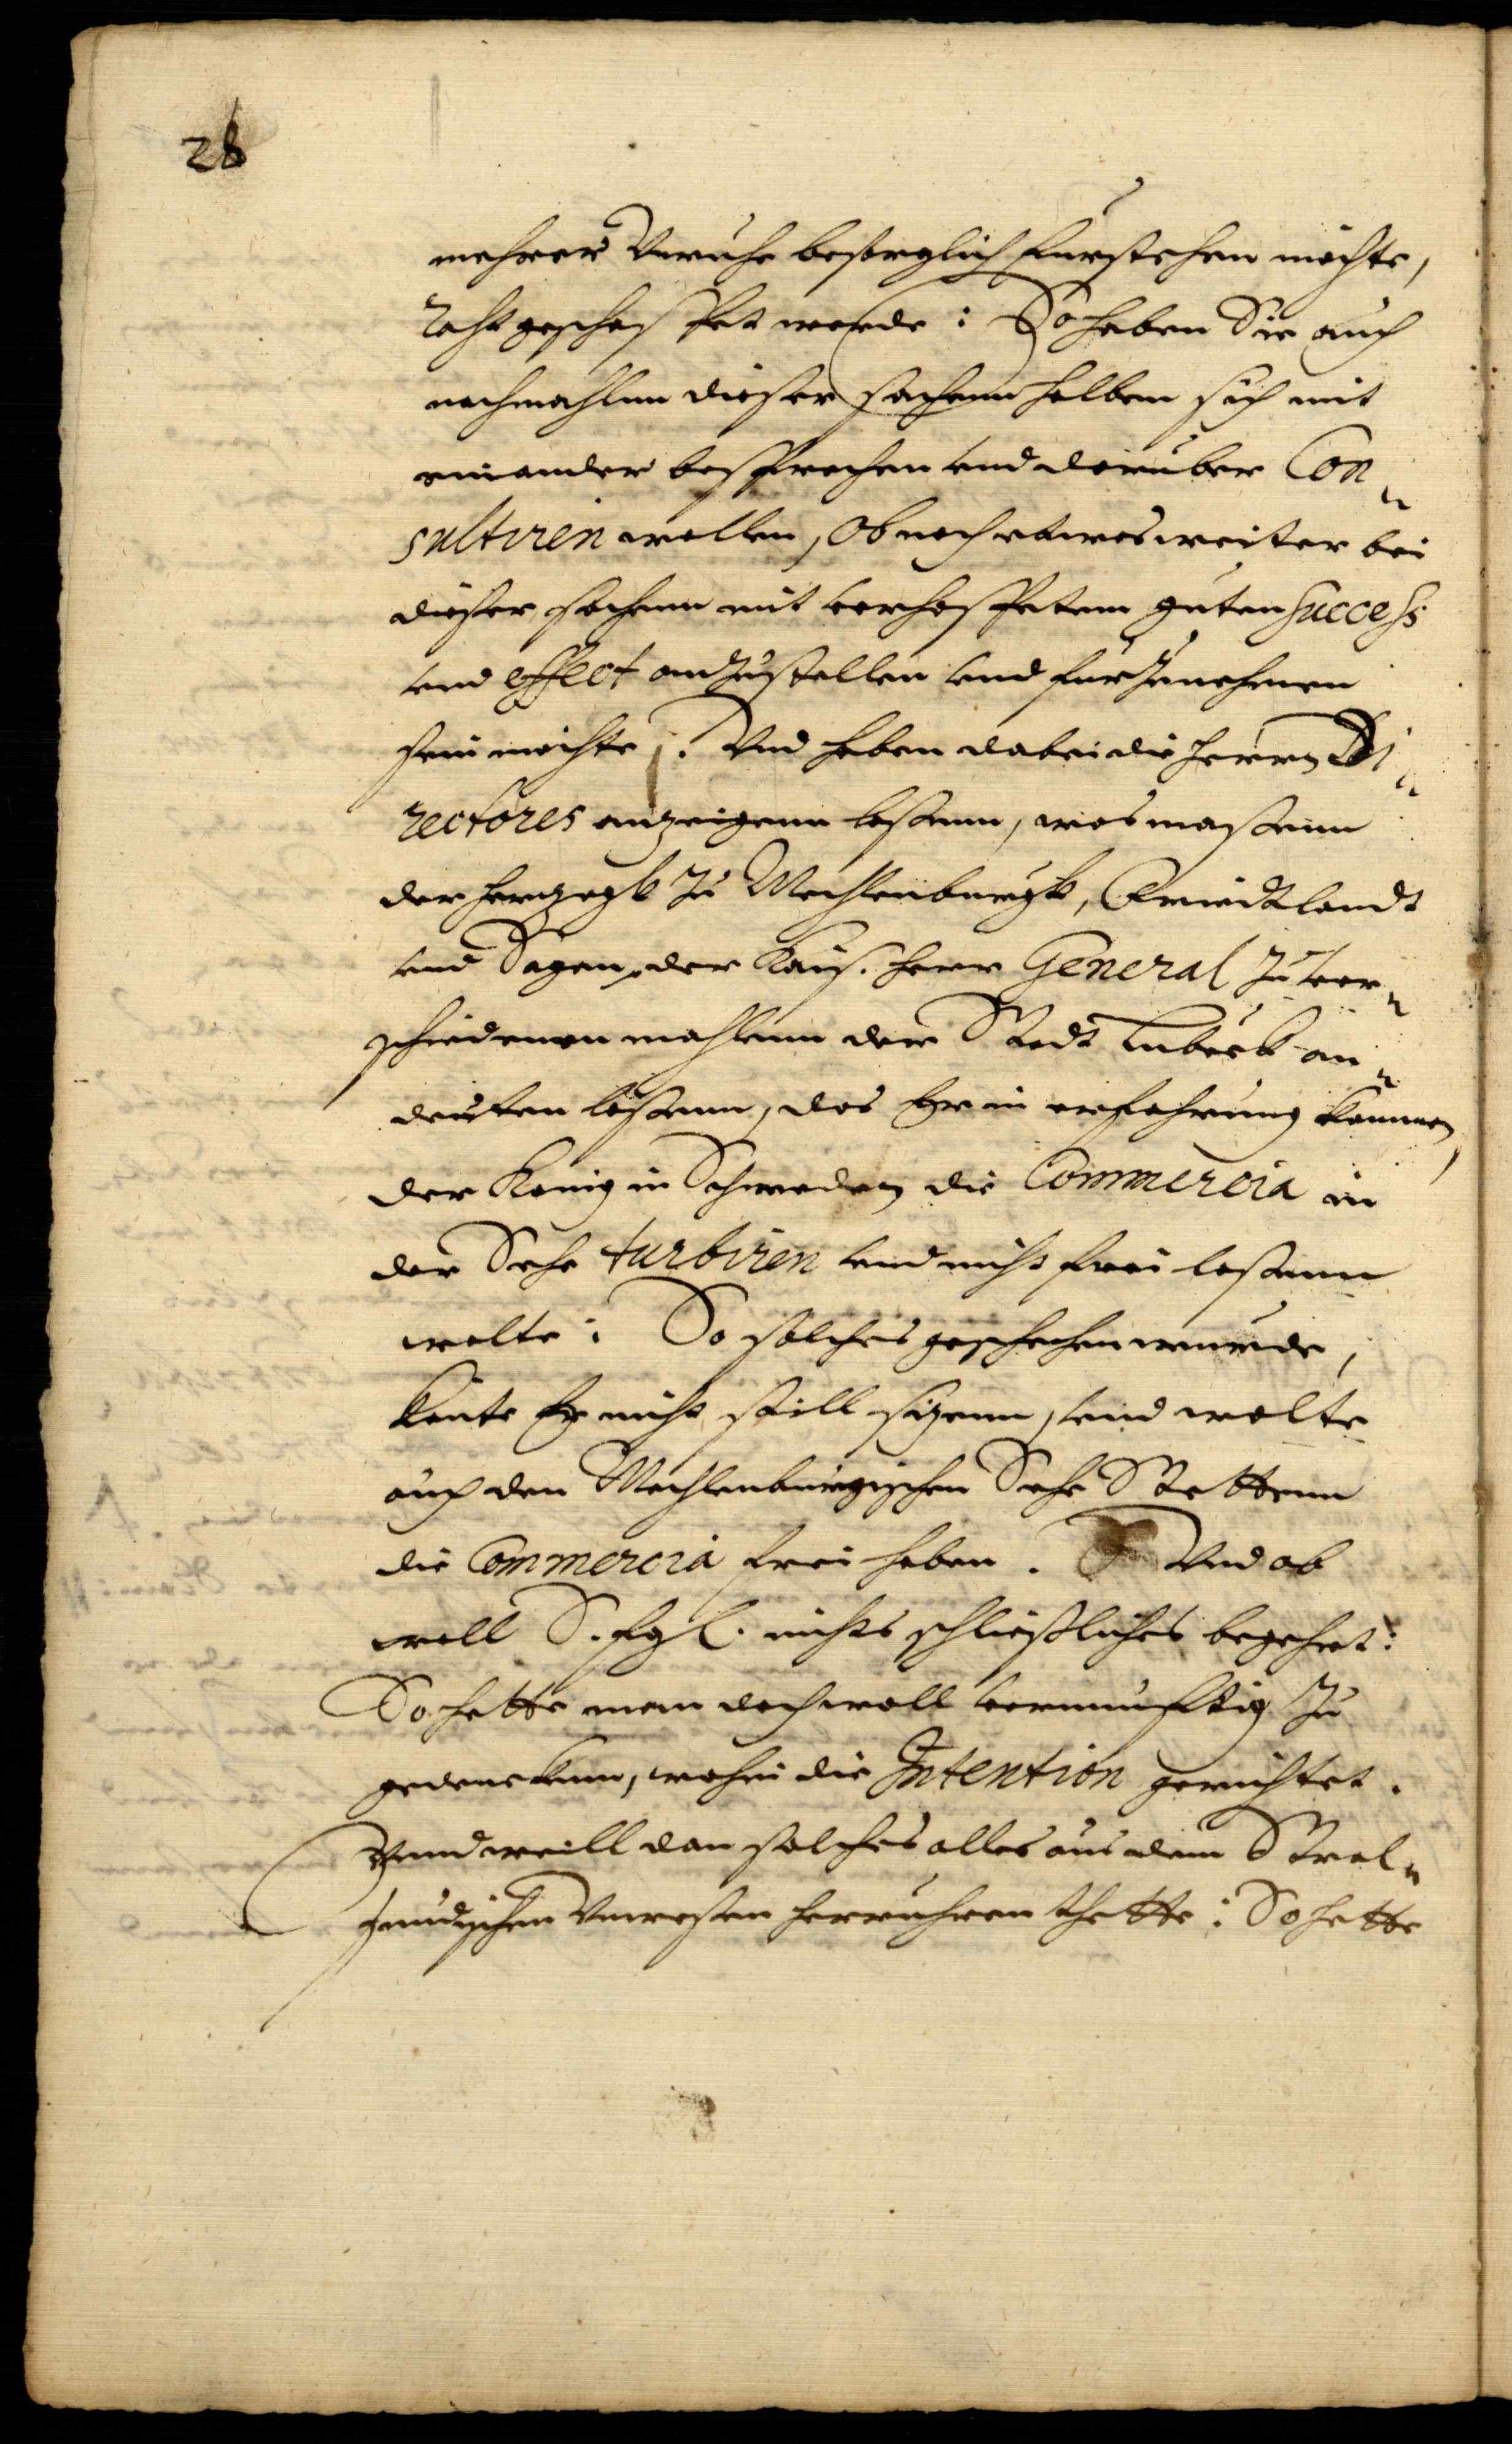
28
mehrer Vnruhe besorglich furstehen möchte,
Raht geschaffet werde: So haben Sie auch
nochmahlnn dieser sachenn halben sich mit
einander besprochen vnd daruber Con¬
sultiren wollen, ob noch etwas weiter bei
dieser sachenn mit verhoffetem guten Success
vnd effect anzustellen vnd furzunehmen
sein möchte. Vnd haben dabei die herrn Di¬
rectores anzeigenn laßenn, was maßenn
der herzogk zu Mecklenburgk, Friedtlandt
vnd Sagen, der Kais. herr General zu ver¬
schiedenen mahlenn der Stadt Lubeck an
deuten laßenn, das Er in erfahrung kommen,
der Konig in Schweden die Commercia in
der Sehe turbiren vnd nicht frei laßenn
wolte: So solches geschehen wurde,
könte Er nicht still sitzenn, vnd wolte
auch den Mecklenburgischen Sehe Stettenn
die Commercia frei haben. Vnd ob
woll S. fgl. nichts schließliches begehrt:
So hette man doch woll vernunftig zu
gedencken, wohin die Intention gerichtet.
Vnnd weill dan solches alles aus dem Stral¬
sundischen Vnwesen herruhren thette: So hette
